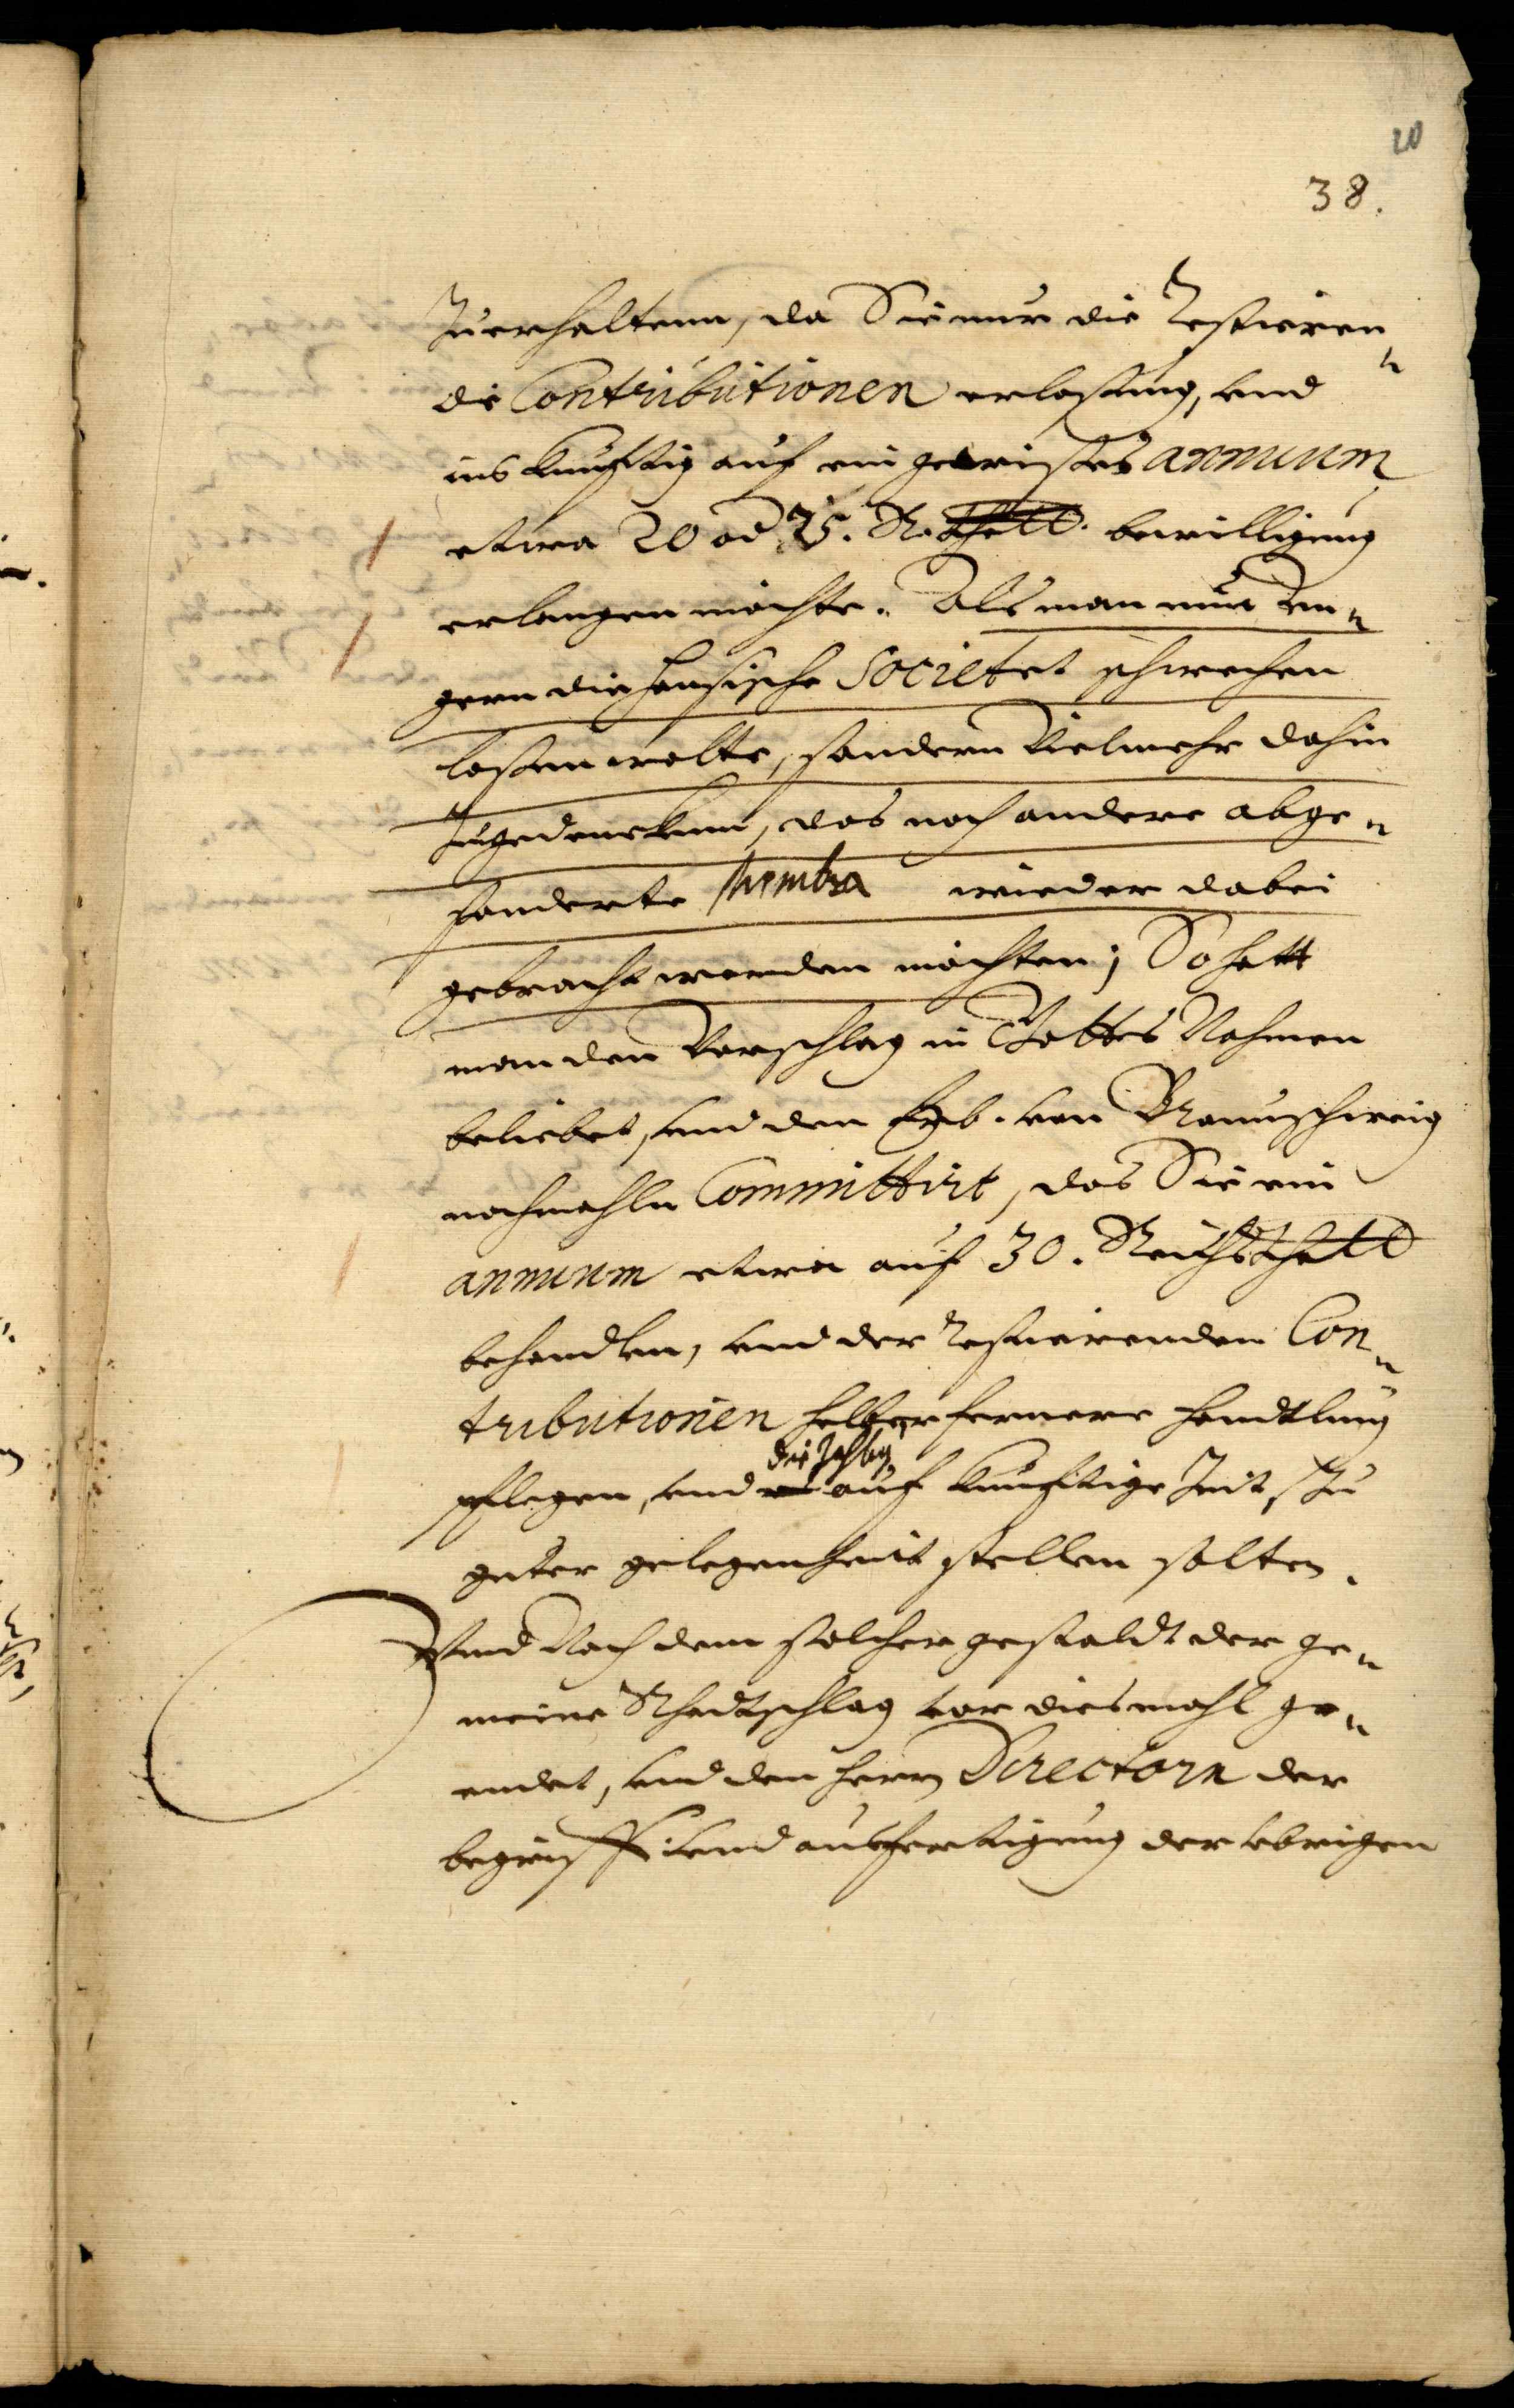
38
zuerhaltenn, da Sie nur die Restieren¬
de Contributionen erlaßung, vnd
ins kunftig auf ein gewißes annuum
etwa 20 od 25. R. thall. bewilligung
erlangen möchte. Als man nun vn¬
gern die Hansische Societet schwechen
laßen wolte, sondern Vielmehr dahin
zugedencken, das noch andere abge¬
sonderte Membra wieder dabei
gebracht werden möchten; So hatt
man den Verschlag in Gottes Nahmen
beliebet, vnd den Erb. von Braunschweig
nochmahln Committirt, das Sie ein
annuum etwa auf 30. Reichsthall
behandlen, vnd der Restierenden Con¬
tributionen halber fernere handtlung
die Zahlung
pflegen, vnd es auf kunftige zeit, zu
guter gelegenheit stellen solten.
Vnd Noch dem solcher gestaldt der ge¬
meine Rhadtschlag vor diesmahl ge¬
endet, vnd den herrn Directorn der
begriff vnd ausfertigung der vbrigen
